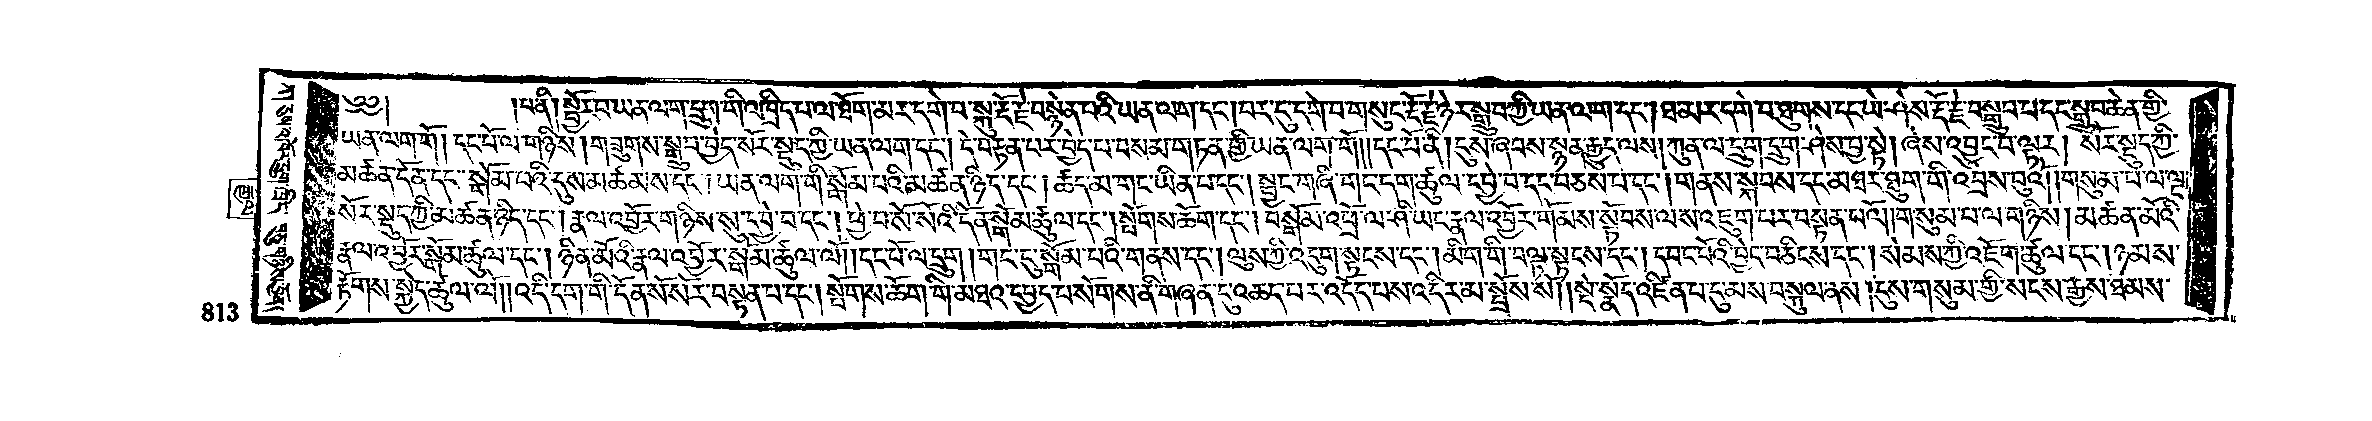༄༅། །པ་ནི། སྦྱོར་བ་ཡན་ལག་དྲུག་གི་འཁྲིད་པ་ལ་ཐོག་མར་དགེ་བ་སྐུ་རྡོ་རྗེ་བསྙེན་པའི་ཡན་ལག་དང་། བར་དུ་དགེ་བ་གསུང་རྡོ་རྗེ་ཉེར་སྒྲུབ་ཀྱི་ཡན་ལག་དང་། ཐ་མར་དགེ་བ་ཐུགས་དང་ཡེ་ཤེས་རྡོ་རྗེ་བསྒྲུབ་པ་དང་སྒྲུབ་ཆེན་གྱི་
ཡན་ལག་གོ །དང་པོ་ལ་གཉིས། གཟུགས་སྒྲུབ་བྱེད་སོར་སྡུད་ཀྱི་ཡན་ལག་དང་། དེ་བརྟེན་པར་བྱེད་པ་བསམ་གཏན་གྱི་ཡན་ལག་གོ། །དང་པོ་ནི། དུས་ཞབས་སྙན་རྒྱུད་ལས། ཀུན་ལ་དྲུག་དྲུག་ཤེས་བྱ་སྟེ། ཞེས་འབྱུང་བ་ལྟར། སོར་སྡུད་ཀྱི་
མཚན་དོན་དང་སྒོམ་པའི་དུས་མཚམས་དང་། ཡན་ལག་གི་སྒོམ་པའི་མཚན་ཉིད་དང་། ཚད་མ་གང་ཡིན་པ་དང་། སྦྱང་གཞི་གང་དག་ཚུལ་དབྱེ་བ་དང་བཅས་པ་དང་། གནས་སྐབས་དང་མཐར་ཐུག་གི་འབྲས་བུའོ། །གསུམ་པ་ལ་ལྔ་
སོར་སྡུད་ཀྱི་མཚན་ཉིད་དང་། རྣལ་འབྱོར་གཉིས་སུ་དབྱེ་བ་དང་། ཕྱེ་བ་སོ་སོའི་དོན་སྒོམ་ཚུལ་དང་། སྤོགས་ཆོག་དང་། བསྒོམ་འཕྲོ་ལ་ཤི་ཡང་རྣལ་འབྱོར་གོམས་སྟོབས་ལས་འཇུག་པར་བསྟན་པའོ། །གསུམ་པ་ལ་གཉིས། མཚན་མོའི་
རྣལ་འབྱོར་སྒོམ་ཚུལ་དང་། ཉིན་མོའི་རྣལ་འབྱོར་སྒོམ་ཚུལ་ལོ། །དང་པོ་ལ་དྲུག །གང་དུ་སྒོམ་པའི་གནས་དང་། ལུས་ཀྱི་འདུག་སྟངས་དང་། མིག་གི་བལྟ་སྟངས་དང་། དབང་པོའི་བྱེད་བཅིངས་དང་། སེམས་ཀྱི་འཇོག་ཚུལ་དང་། ཉམས་
རྟོགས་སྐྱེད་ཚུལ་ལོ། །འདི་དག་གི་དོན་སོ་སོར་བསྟན་པ་དང་། སྤོགས་ཆོག་གི་མཐའ་དཔྱད་པ་སོགས་ནི་གཞན་དུ་འཆད་པར་འདོད་པས་འདིར་མ་སྤྲོས་སོ། །སྡེ་སྣོད་འཛིན་པ་དུ་མས་བསྐུལ་ནས། དུས་གསུམ་གྱི་སངས་རྒྱས་ཐམས་